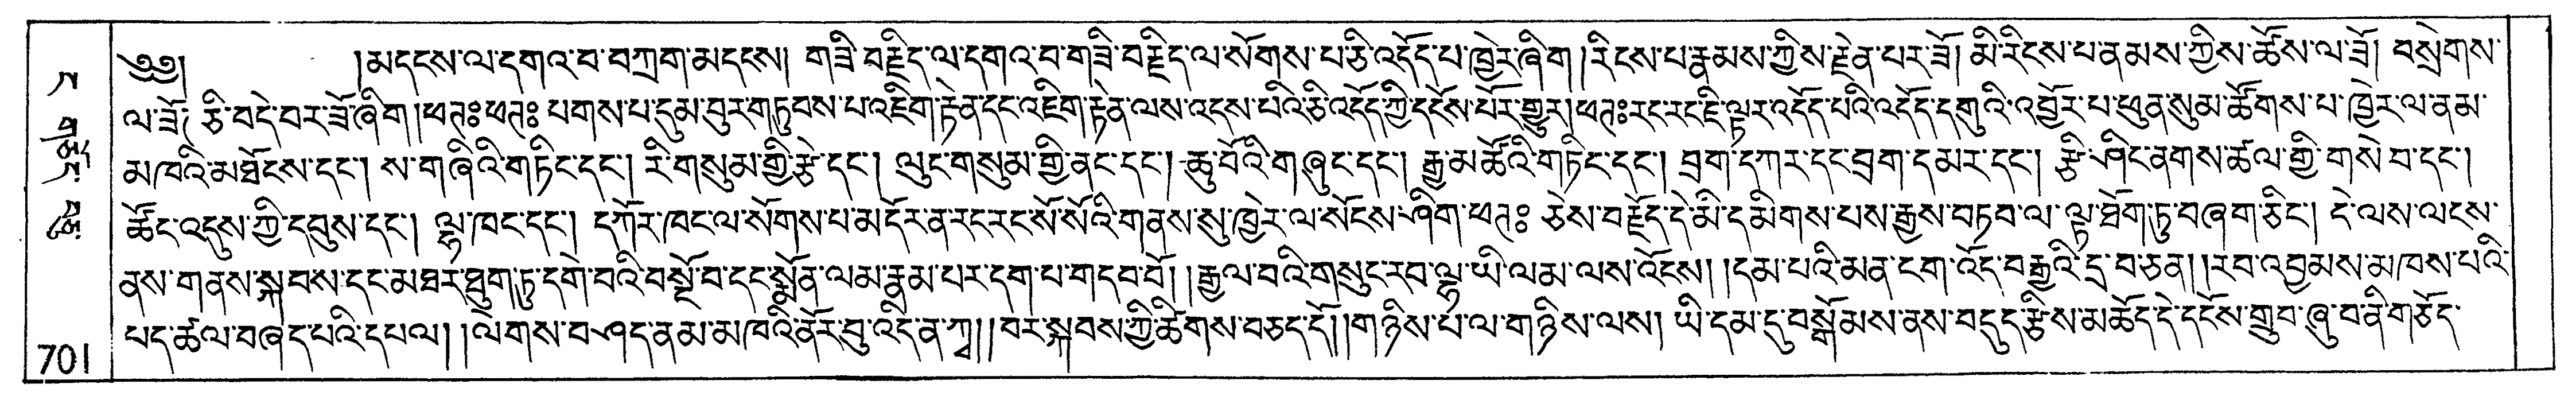༄༅། །མདངས་ལ་དགའ་བ་བཀྲག་མདངས། གཟི་བརྗིད་ལ་དགའ་བ་གཟི་བརྗིད་ལ་སོགས་པ་ཅི་འདོད་པ་ཁྱེར་ཞིག །རིངས་པ་རྣམས་ཀྱིས་རྗེན་པར་ཟོ། མི་རིངས་པ་ནམས་ཀྱིས་ཚོས་ལ་ཟོ། བསྲེགས་
ལ་ཟོ། ཅི་བདེ་བར་ཟོ་ཞིག །ཕཊཿ ཕཊཿ པགས་པ་དུམ་བུར་གཏུབས་པ་འཇིག་རྟེན་དང་འཇིག་རྟེན་ལས་འདས་པའི་ཅི་འདོད་ཀྱི་དངོས་པོར་གྱུར། ཕཊཿ རང་རང་ཇི་ལྟར་འདོད་པའི་འདོད་དགུའི་འབྱོར་པ་ཕུན་སུམ་ཚོགས་པ་ཁྱེར་ལ་ནམ་
མཁའི་མཐོངས་དང་། ས་གཞིའི་གཏིང་དང་། རི་གསུམ་གྱི་རྩེ་དང་། ལུང་གསུམ་གྱི་ནང་དང་། ཆུ་བོའི་གཞུང་དང་། རྒྱ་མཚོའི་གཏིང་དང་། བྲག་དཀར་དང་བྲག་དམར་དང་། རྩི་ཤིང་ནགས་ཚལ་གྱི་གསེབ་དང་།
ཚོང་འདུས་ཀྱི་དབུས་དང་། ལྷ་ཁང་དང་། དཀོར་ཁང་ལ་སོགས་པ་མདོར་ན་རང་རང་སོ་སོའི་གནས་སུ་ཁྱེར་ལ་སོངས་ཤིག་ཕཊཿ ཅེས་བརྗོད་དེ་མི་དམིགས་པས་རྒྱས་བཏབ་ལ་ལྟ་ཐོག་ཏུ་བཞག་ཅིང་། དེ་ལས་ལངས་
ནས་གནས་སྐབས་དང་མཐར་ཐུག་ཏུ་དགེ་བའི་བསྔོ་བ་དང་སྨོན་ལམ་རྣམ་པར་དག་པ་གདབ་བོ། །རྒྱལ་བའི་གསུང་རབ་ལྷ་ཡི་ལམ་ལས་འོངས། །དམ་པའི་མན་ངག་འོད་བརྒྱའི་དྲ་བ་ཅན། །རབ་འབྱམས་མཁས་པའི་
པད་ཚལ་བཞད་པའི་དཔལ། །ལེགས་བཤད་ནམ་མཁའི་ནོར་བུ་འདི་ན་ཀྭ། །བར་སྐབས་ཀྱི་ཚིགས་བཅད་དོ། །གཉིས་པ་ལ་གཉིས་ལས། ཡི་དམ་དུ་བསྒོམས་ནས་བདུད་རྩིས་མཆོད་དེ་དངོས་གྲུབ་ཞུ་བ་ནི་གཅོད་